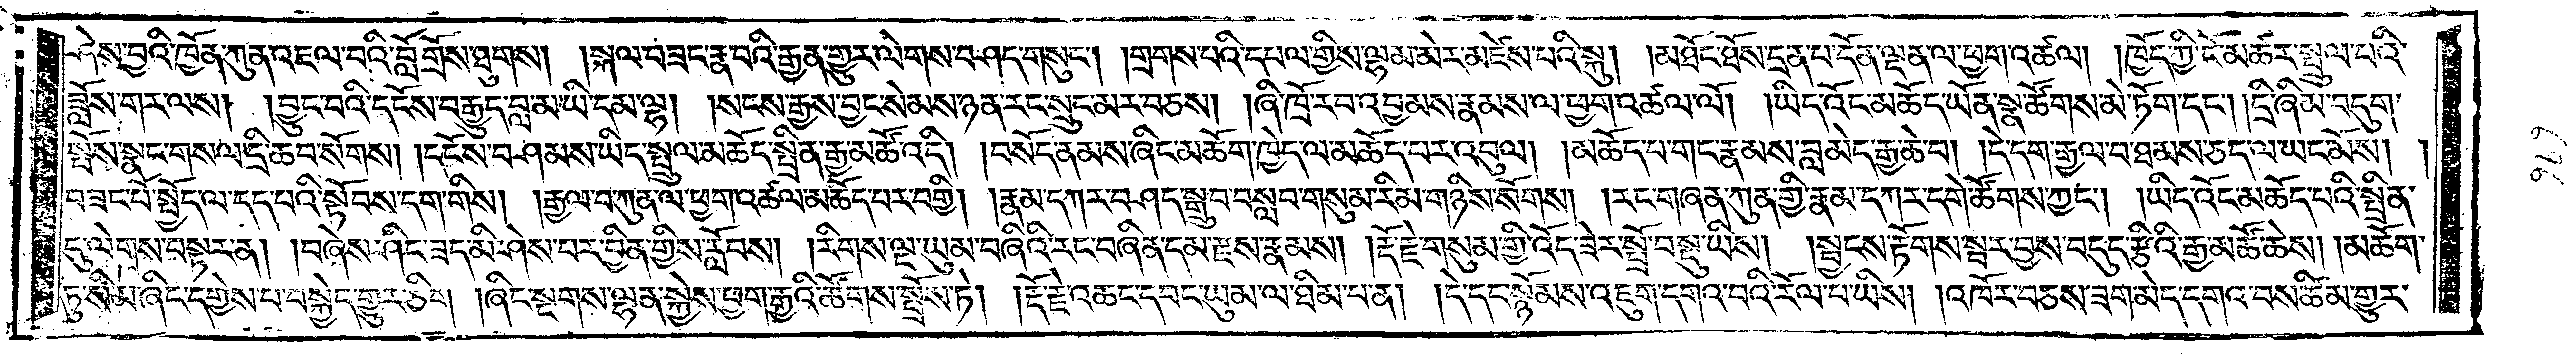ཤེས་བྱའི་ཁྱོན་ཀུན་འཇལ་བའི་བློ་གྲོས་ཐུགས། །སྐལ་བཟང་རྣ་བའི་རྒྱན་གྱུར་ལེགས་བཤད་གསུང་། །གྲགས་པའི་དཔལ་གྱིས་ལྷམ་མེར་མཛེས་པའི་སྐུ། །མཐོང་ཐོས་དྲན་པ་དོན་ལྡན་ལ་ཕྱག་འཚལ། །ཁྱོད་ཀྱི་ངོ་མཚར་སྤྲུལ་པའི་
ཟློས་གར་ལས། །བྱུང་བའི་དངོས་བརྒྱུད་བླ་མ་ཡི་དམ་ལྷ། །སངས་རྒྱས་བྱང་སེམས་ཉན་རང་སྲུང་མར་བཅས། །ཞི་ཁྲོ་རབ་འབྱམས་རྣམས་ལ་ཕྱག་འཚལ་ལོ། །ཡིད་འོང་མཆོད་ཡོན་སྣ་ཚོགས་མེ་ཏོག་དང་། །དྲི་ཞིམ་བདུག་
སྤོས་སྣང་གསལ་དྲི་ཆབ་སོགས། །དངོས་བཤམས་ཡིད་སྤྲུལ་མཆོད་སྤྲིན་རྒྱ་མཚོ་འདི། །བསོད་ནམས་ཞིང་མཆོག་ཁྱེད་ལ་མཆོད་པར་འབུལ། །མཆོད་པ་གང་རྣམས་བླ་མེད་རྒྱ་ཆེ་བ། །དེ་དག་རྒྱལ་བ་ཐམས་ཅད་ལ་ཡང་མོས། །
བཟང་པོ་སྤྱོད་ལ་དད་པའི་སྟོབས་དག་གིས། །རྒྱལ་བ་ཀུན་ལ་ཕྱག་འཚལ་མཆོད་པར་བགྱི། །རྣམ་དཀར་བཤད་སྒྲུབ་བསླབ་གསུམ་རིམ་གཉིས་སོགས། །རང་གཞན་ཀུན་གྱི་རྣམ་དཀར་དགེ་ཚོགས་ཀྱང་། །ཡིད་འོང་མཆོད་པའི་སྤྲིན་
དུ་ལེགས་བསྟར་ན། །བཞེས་ཤིང་ཟད་མི་ཤེས་པར་བྱིན་གྱིས་རློབས། །རིགས་ལྔ་ཡུམ་བཞིའི་རང་བཞིན་དམ་རྫས་རྣམས། །རྡོ་རྗེ་གསུམ་གྱི་འོད་ཟེར་སྤྲོ་བསྡུ་ཡིས། །སྦྱངས་རྟོགས་སྤར་བྱས་བདུད་རྩིའི་རྒྱ་མཚོ་ཆེས། །མཆོག་
ཏུ་སིམ་ཞིང་དགྱེས་པ་བསྐྱེད་གྱུར་ཅིག །ཞིང་སྔགས་ལྷན་སྐྱེས་ཕྱག་རྒྱའི་ཚོགས་སྤྲོས་ཏེ། །རྡོ་རྗེ་འཆང་དབང་ཡུམ་ལ་ཐིམ་པ་ན། །དེ་དང་སྙོམས་འཇུག་དགའ་བའི་རོལ་པ་ཡིས། །འཁོར་བཅས་ཟག་མེད་དགའ་བས་ཚིམ་གྱུར་